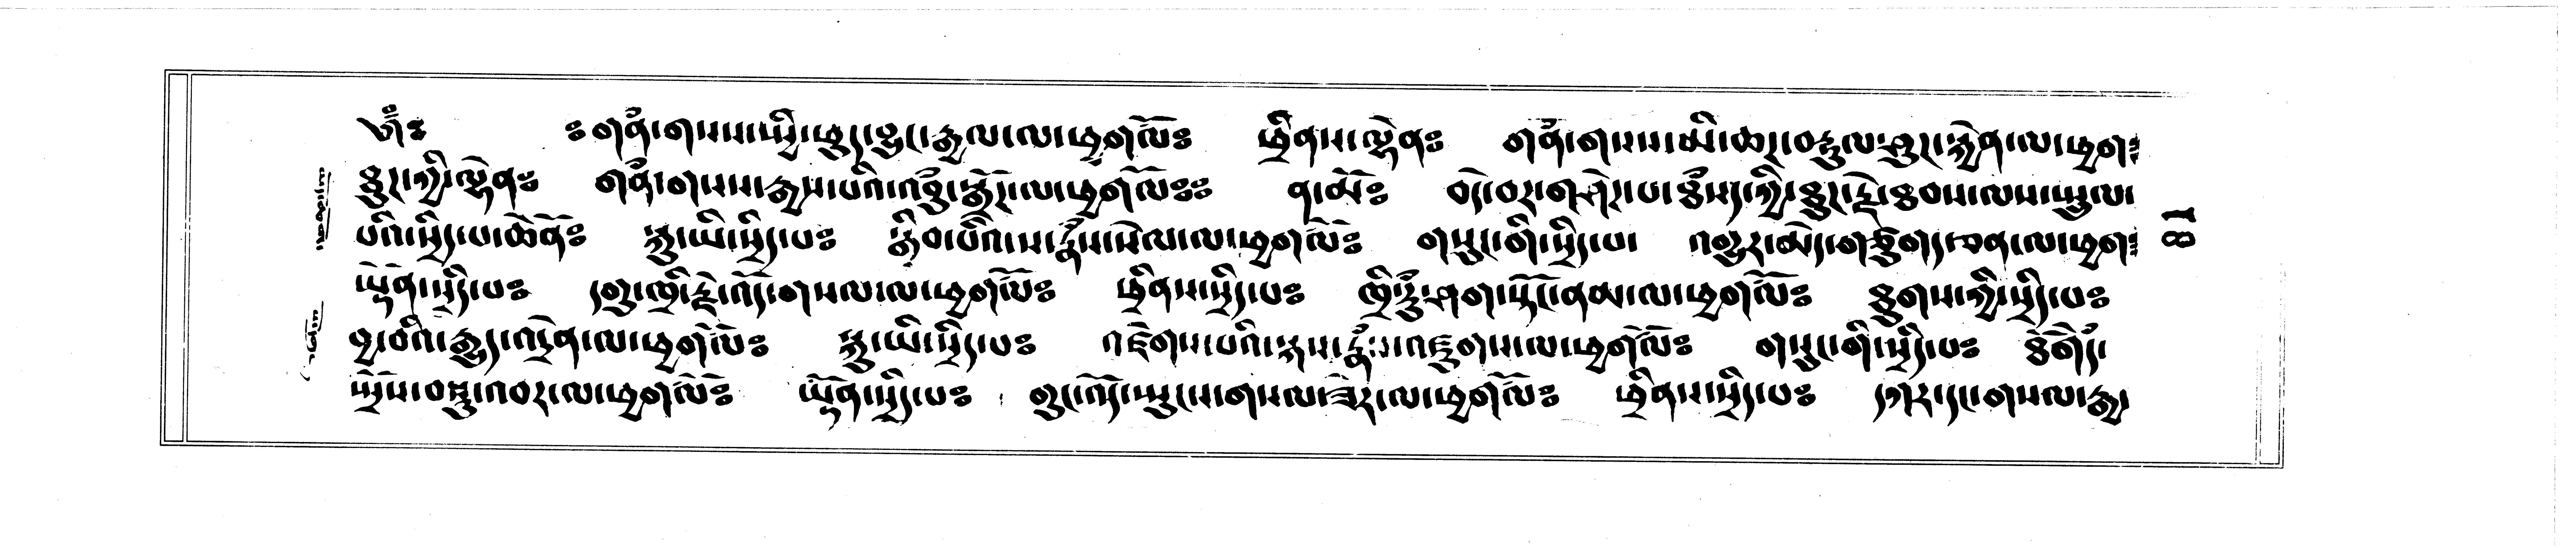གནམ་གསས་སྤྱི་ཕུད་བྱུང་རྒྱལ་ལ་ཕྱག་འཚལ་ལོཿ ཕྲིན་ལས་ཀྱི་ལྷ་ཆེནཿ གནམ་གསས་མི་ཆགས་རྟུལ་ཤུགས་བསྐྱེད་ལ་ཕྱག་
འཐུགས་ཀྱི་ལྷ་ གནམ་གསས་རྒྱས་པའི་འབུམ་སྒྲོགས་ལ་ཕྱག་འཚལ་ལོཿ ན་མོ་ བདེ་བར་གཤེགས་པ་ཐམས་ཅད་ཀྱི་ཐུགས་རྗེ་ཐབས་ལས་སྤྲུལ་
པའི་སྲིད་པ་ཆེན་པོཿ སྐུ་ཡི་སྲིད་པཿ སྒྲིབ་པའི་ས་རྣམས་སེལ་ལ་ཕྱག་འཚལ་ལོཿ གསུང་གི་སྲིད་པཿ འགྱུར་མེད་གཙུག་ཕུད་ཅན་ལ་ཕྱག་
ཡོན་ཏན་གྱི་སྲིད་པཿ དགུ་ཁྲི་རྗེ་འོད་གསལ་ལ་ཕྱག་འཚལ་ལོཿ ཕྲིན་ལས་ཀྱི་སྲིད་པཿ ཁྲི་རུམ་ཤག་སྟོན་ནམ་ལ་ཕྱག་འཚལ་ལོཿ ཐུགས་ཀྱི་སྲིད་པཿ 
བྱ་བའི་རྒྱུད་འདྲེན་ལ་ཕྱག་འཚལ་ལོཿ སྐུ་ཡི་སྲིད་པཿ འཛེགས་པའི་སྐས་རྣམས་འཛུགས་ལ་ཕྱག་འཚལ་ལོཿ གསུང་གི་སྲིད་པཿ ཐོགས་མེད་
སྤྲོ་བསྡུ་འབར་ལ་ཕྱག་འཚལ་ལོཿ ཡོན་ཏན་གྱི་སྲིད་པཿ གུང་འོད་སྤུངས་གསལ་ཟེར་ལ་ཕྱག་འཚལ་ལོཿ ཕྲིན་ལས་ཀྱི་སྲིད་པཿ དཀར་དང་གསལ་རྒྱ་